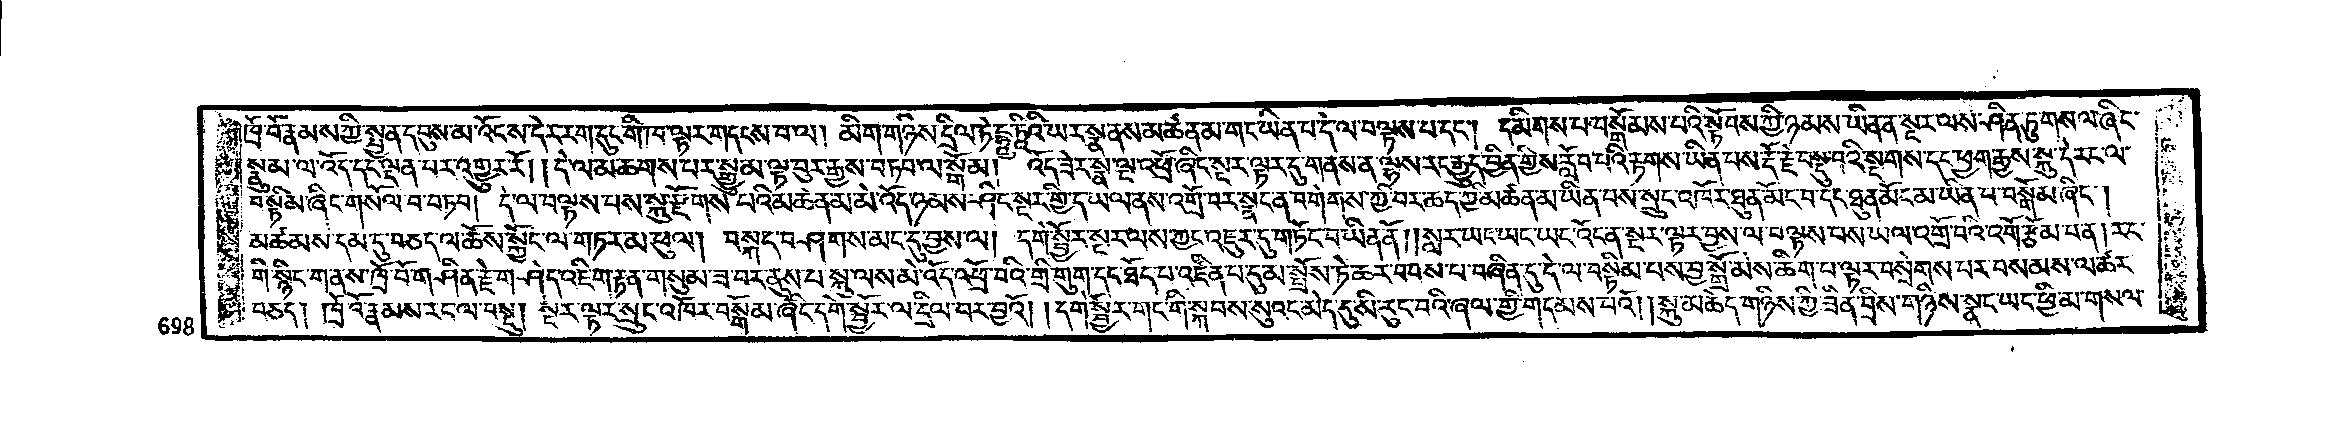ཁྲོ་བོ་རྣམས་ཀྱི་སྤྱན་དབུས་མ་འོང་ས་དེར་རག་དུང་གི་ཁ་ལྟར་གདངས་པ་ལ། མིག་གཉིས་དྲིལ་ཏེ་དྷཱུ་ཏཱིའི་ཡར་སྣ་ནས་མཚན་མ་གང་ཡིན་པ་དེ་ལ་བལྟས་པ་དང་། དམིགས་པ་བསྒོམས་པའི་སྟོབས་ཀྱི་ཉམས་ཡིན་ན་སྔར་ལས་ཤིན་ཏུ་གསལ་ཞིང་
སྣུམ་ལ་འོད་དང་ལྡན་པར་འགྱུར་རོ། །དེ་ལ་མ་ཆགས་པར་སྒྱུ་མ་ལྟ་བུར་རྒྱས་བཏབ་ལ་སྒོམ། འོད་ཟེར་སྣ་ལྔ་འཕྲོ་ཞིང་སྔར་ལྟར་དུ་གནས་ན་ལྷས་རང་རྒྱུད་བྱིན་གྱིས་རློབ་པའི་རྟགས་ཡིན་པས་རྡོ་རྗེ་བསྡུ་བའི་སྔགས་དང་ཕྱག་རྒྱས་སྐུ་དེ་རང་ལ་
བསྟིམ་ཞིང་གསོལ་བ་བཏབ། དེ་ལ་བལྟས་པས་སྐུ་རྫོགས་པའི་མཚན་མ་མེ་འོད་ཉམས་ཤིང་སྔར་གྱི་ད་ཡལ་ནས་འགྲོ་བར་སྣང་ན་བགེགས་ཀྱི་བར་ཆད་ཀྱི་མཚན་མ་ཡིན་པས་སྲུང་འཁོར་ཐུན་མོང་བ་དང་ཐུན་མོང་མ་ཡིན་པ་བསྒོམ་ཞིང་།
མཚམས་དམ་དུ་བཅད་ལ་ཆོས་སྐྱོང་ལ་གཏོར་མ་ཕུལ། བསྐད་བཤགས་མང་དུ་བྱས་ལ། དགེ་སྦྱོར་སྔར་ལས་ཀྱང་འཇུར་དུ་གཏོང་བ་ཡིན་ནོ། །སླར་ཡང་ཡང་ཡང་འོང་ན་སྔར་ལྟར་བྱས་ལ་བལྟས་པས་ཡལ་འགྲོ་བའི་འགོ་རྩོམ་པ་ན། རང་
གི་སྙིང་ག་ནས་ཁྲོ་བོ་གཤིན་རྗེ་གཤེད་འཇིག་རྟེན་གསུམ་ཟ་བར་ནུས་པ་སྐུ་ལས་མེ་འོད་འཕྲོ་བའི་གྲི་གུག་དང་ཐོད་པ་འཛིན་པ་དུ་མ་སྤྲོས་ཏེ་ཆར་བབས་པ་བཞིན་དུ་དེ་ལ་བསྟིམ་པས་བྱ་སྒྲོ་མེས་ཚིག་པ་ལྟར་བསྲེགས་པར་བསམས་ལ་ཚར་
བཅད། ཁྲོ་བོ་རྣམས་རང་ལ་བསྡུ། སྔར་ལྟར་སྲུང་འཁོར་བསྒོམ་ཞིང་དགེ་སྦྱོར་ལ་དྲིལ་བར་བྱའོ། །དགེ་སྦྱོར་གང་གི་སྐབས་སུའང་མེད་དུ་མི་རུང་བའི་ཞལ་གྱི་གདམས་པའོ། །སྐུ་མཆོད་གཉིས་ཀྱི་ཟིན་བྲིས་གཉིས་སྣང་ཡང་ཕྱི་མ་གསལ་